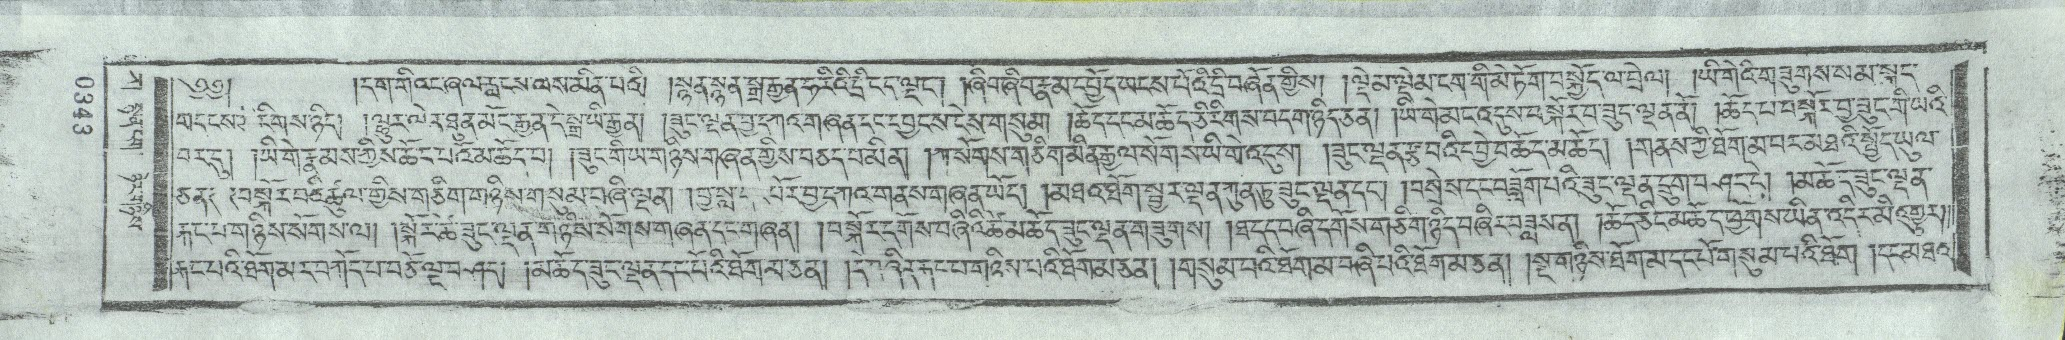༄༅། །དག་གིའང་ཞལ་རླངས་ལས་མིན་པའི། །སྙན་སྙན་སྒྲ་རྒྱན་ཁ་རིའི་དྲི་ངད་ལྡང་། །ཞིབ་ཞིབ་རྣམ་དཔྱོད་ཡངས་པོའི་དྲི་བཞོན་གྱིས། །ལྡེམ་ལྡེམ་ངང་གི་མེ་ཏོག་བསྐྱོད་ལ་བྲེལ། །ཡི་གེའི་གཟུགས་སམ་སྐད་
གདངས་ཅི་རིགས་ཉིད། །ལྷུར་ལེན་ཐུན་མོང་རྒྱ་ན་དེ་སྦྲ་ཡི་རྒྱ་ན། །ཟུང་ལྡན་བྱ་དཀའ་གཞན་དང་དབྱངས་ངེས་གསུམ། །ཆོ་ད་དང་མ་ཆོད་ཅི་རིགས་བདག་གཉིད་ཅན། །ཡི་གེ་མང་འདུས་བསྐོར་བཟུང་ལྡན་ནོ། །ཆོད་པ་བསྐོར་བྱ་ཟུང་གི་ཡའི་
བར་དུ། །ཡི་གེ་རྣམས་ཀྱིས་ཆོད་པའོ་མཆོད་པ། །ཐུང་གི་ཡ་གཉིས་གཞན་གྱིས་བཅད་པ་མིན། །ཀ་སོགས་གཅིག་མིན་རྒྱལ་སོགས་ཡི་གེ་འདུས། །ཟུང་ལྡན་རྩ་བའི་དབྱེ་བ་ཆོད་མཆོད། །གནས་ཀྱི་ཐོག་མ་བར་མཐའི་སྤྱོད་ཡུལ་
ཅན། །བསྐོར་བའི་ཚུལ་གྱིས་གཅིག་གཉིས་གསུམ་བཞི་ལྡན། །བྱ་སླ་དང་པོར་བྱ་དཀའ་གནས་གཞན་ཡོང་། །མཐའ་གྲོག་སྦྱར་ལྡན་ཀུན་ཏུ་ཟུང་ལྡན་དང་། །བསྲེས་དང་བཟློག་པའི་ཟུང་ལྡན་དྲུག་བཤད་དེ། །མཆོད་ཟུང་ལྡན་
རྐང་པ་གཉིས་སོགས་ལ། །སྐོར་ཚེ་ཟུང་ལྡན་གཉིས་སོགས་གཞན་དང་གཞན། །བསྐོར་དགོས་བཞིའི་ཚམ་ཆོད་ཟུང་ལྡན་གཟུགས། །ཐ་དད་བཞི་དགོས་གཅིག་ཉིད་བཞིར་བཟླས་ན། །ཆོད་ཅིང་མཆོད་ཕྱོགས་ཡིན་འདིར་མི་འགྱུར།
རྐང་པའི་ཐོག་མར་བཀོད་པ་བཅོ་ལྔ་བཤད། །མ་ཆོད་ཟུང་ལྡན་དང་པོའི་ཐོག་མ་ཅན། །དེ་བཞིན་རྐང་པ་གཉིས་པའི་ཐོག་མ་ཅན། །གསུམ་པའི་ཐོག་མ་བཞི་པའི་ཐོག་མ་ཅན། །སྔ་གཉིས་ཐོག་མ་དང་པོ་གསུམ་པའི་ཐོག །དང་མཐའ་